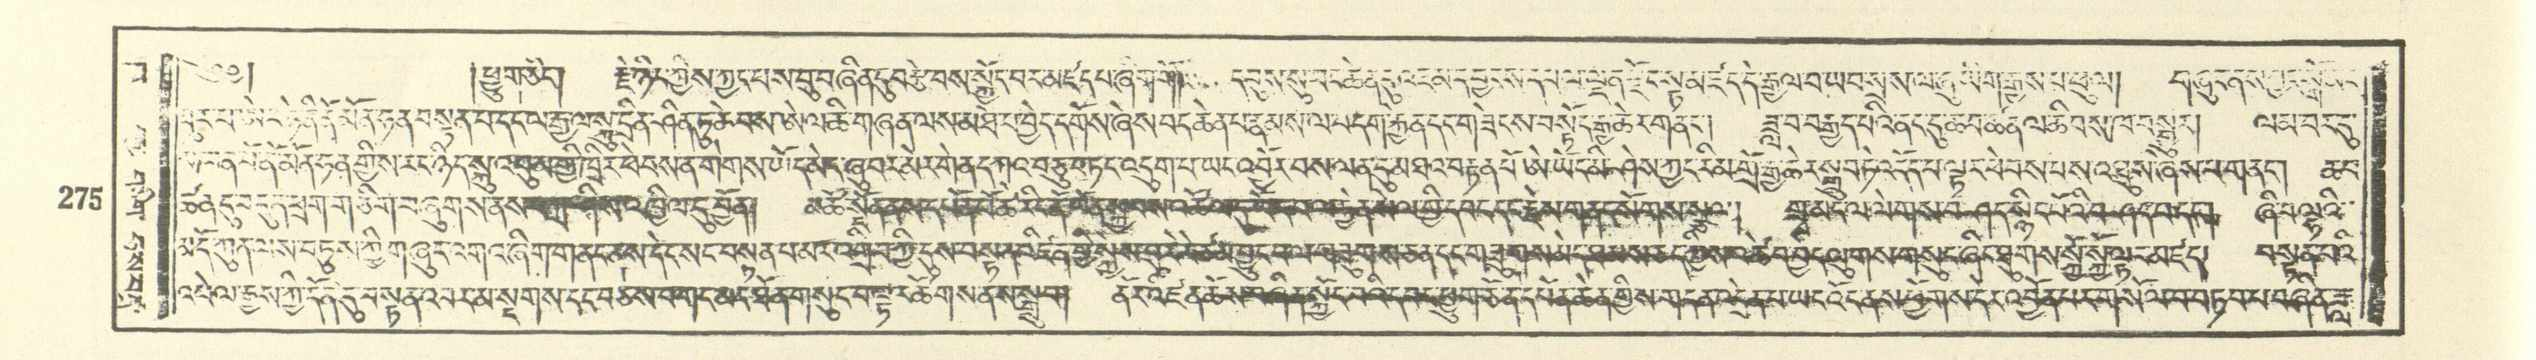༄༅། །ཕྱུག་ཅིང་། རྗེ་ཉིད་ཀྱིས་ཀྱང་ཕས་བུ་བཞིན་དུ་བརྩེབས་སྐྱོད་བར་མཛད་པ་ཞིག་གོ། དབུས་སུ་བང་ཆེན་དུ་འཇམ་དབྱངས་དཔལ་ལྡན་རྫོང་སྟ་མཛད་དེ་རྒྱལ་བ་ཡབ་སྲས་ལ་ཞུ་ཡིག་རྒྱས་པ་ཕུལ། གཞུང་ནས་ཀྱང་སྒོ་མང་
ཟུར་པ་ཨེར་ཏེ་ནི་ནོ་མོན་ཧན་བསྟན་པ་དང་ལ་རྒྱ་ལ་སྐུ་དྲིན་ཤིན་ཏུ་ཆེབས་ཨེལ་ཆི་གཞན་ལས་མཐོ་པ་བྱེད་དགོས་ཞེས་བད་ཆེན་པ་རྣམས་ལ་བདག་རྐྱེན་དང་གཟེངས་བསྟོད་རྒྱ་ཆེར་གནང་། ཟླ་བ་བརྒྱད་པའི་ནང་དུ་ཆབ་ཚན་ལ་ཆིབས་ཁ་བསྒྱུར། ལམ་བར་དུ་
མཁན་པོ་ནོ་མོན་ཧན་གྱིས་རང་ཉིད་སྐུ་འབུམ་གྱི་ཁྲིར་ཕེབས་ན་གེགས་ཡོད་མེད་ཞུ་བར་མེར་གེན་དཀའ་བཅུ་བཏང་འདུག་པ་ཡང་འབྱོར་བས་ལན་དུ་མཐའ་བརྟན་པོ་ཨེ་ཡོང་མི་ཤེས་ཀྱང་རིམ་གྲོ་རྒྱ་ཆེར་སྒྲུབ་ཏེ་འདོད་པ་ལྟར་ཕེབས་པས་འཐུས་ཞེས་པ་གནང་། ཆབ་
ཚན་དུ་བདུན་ཕྲག་གཅིག་བཞུགས་ནས་བཀྲ་ཤིས་འཁྱིལ་དུ་བྱོན། མཚོ་སྔོན་ནས་དཔོན་པོ་ཚེ་རིང་ནོ་ཡོན་སྐྱབས་འཚོལ་དུ་ཡོད་བ་ལ་རྐྱེན་སེལ་གྱི་དབང་དང་རྗེས་གནང་སོགས་སྩལ། གྲྭ་མང་ལ་ལེགས་བཤད་སྙིང་པོའི་བཤད་པ་དང་། ཞི་བ་ལྷའི་
མདོ་ཀུན་ལས་བཏུས་ཀྱི་གཞུང་འགའ་ཞིག་གནང་ནས་དེང་སང་བསྟན་པ་མར་འགྲིབ་ཀྱི་དུས་བསྟན་འཛིན་གྱི་སྐྱེས་བུ་རེ་རེ་ཙམ་བྱུང་བ་ལ་གཟུགས་ཅན་དང་གཟུགས་མེད་ཐམས་ཅད་ཀྱིས་འཚེ་བ་བྱེད་ལུགས་གསུང་ཞིང་ཐུགས་སྐྱོ་སྐྱོ་ལྟར་མཛད། བསྟན་པའི་
འཕེལ་རྒྱས་ཀྱི་དོན་དུ་བསྟན་འབར་མ་སྔགས་དང་བཅས་པ་གང་མང་ཐོན་གསུང་བ་ལྟར་ཚོགས་ནས་སྒྲུབ། ནོར་འཛིན་ཆོས་བཞིན་སྐྱོང་བའི་དབང་ཕྱུག་ཅོ་ནེ་དཔོན་ཆེན་གྱིས་གདན་འདྲེན་པ་ཡང་འོང་ནས་ཕྱོགས་དེར་འབྱོན་པར་གསོལ་བ་བཏབ་པ་བཞིན་ཟླ་